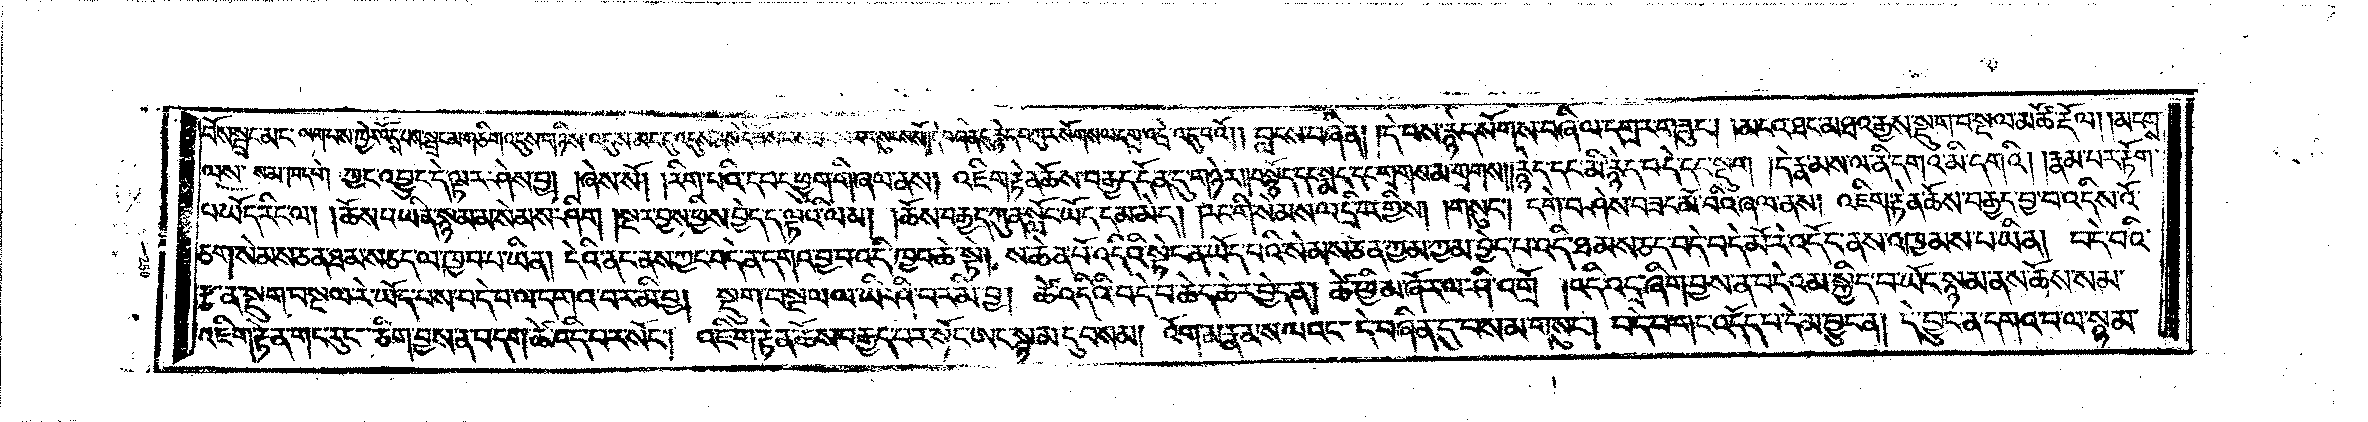བོས་སྦྲང་མང་ལག་པས་ཁྱེར་འོངས་བས་སྦྲང་མ་གཅིག་འདུས་གཉིས་འདུས་མང་དུ་འདུས་ནས་དེ་ཟོས་པས་ཟད་པར་གསུངས་སོ། །དེ་བཞིན་དུ་རྙེད་བཀུར་སོགས་ལ་དགྲ་འདྲེ་འདུ་བའོ།།  བླངས་བཞིན། །དེ་བས་རྙེད་སོགས་བཞི་ལ་དགྲར་གཟུང་། །མངའ་ཐང་མཐའ་རྒྱས་སྡུག་བསྔལ་མཚོ་རྡོལ། །མངགས་
སམ་ཁ་དཔེ།  ལས་ཀྱང་འབྱུང་དེ་ལྟར་ཤེས་བྱ། །ཞེས་སོ། །རིག་པའི་དབང་ཕྱུག་གི་ཞལ་ནས། འཇིག་རྟེན་ཆོས་བརྒྱད་དོན་དུ་གཉེར། །བསྙོད་དང་སྨད་དང་གྲགས་མ་གྲགས། །རྙེད་དང་མི་རྙེད་བདེ་དང་སྡུག །དེ་རྣམས་ལ་ནི་དགའ་མི་དགའི། །རྣམ་པར་རྟོག་
པ་ཡོད་རིང་ལ། །ཆོས་པ་ཡིན་སྙམ་མ་སེམས་ཤིག །སྔར་བྱས་ཕྱིས་བྱེད་ད་ལྟའི་ལམ། །ཆོས་བརྒྱད་ཀུན་སློང་ཡོད་དམ་མེད། །རང་གི་སེམས་ལ་དྲི་བར་གྱིས། །གསུང་། །དགེ་བཤེས་བཟང་མོ་བའི་ཞལ་ནས། འཇིག་རྟེན་ཆོས་བརྒྱད་བྱ་བ་འདིས་འོད་
ཅག་སེམས་ཅན་ཐམས་ཅད་ལ་ཁྱབ་པ་ཡིན། དེའི་ནང་ནས་ཀྱང་བདེན་དགའ་བྱ་བ་འདི་ཁྱབ་ཆེ་སྟེ། ས་ཆེན་པོ་འདིའི་སྟེང་ན་ཡོད་པའི་སེམས་ཅན་ཀྱེ་མ་ཀྱེ་མ་བྱེད་པ་འདི་ཐམས་ཅད་བདེ་བདེ་མོ་རེ་འདོད་ནས་འཁྱམས་པ་ཡིན། བདེ་བའི་
རྩན་སྡུག་བསྔལ་རེ་ཡོད་པས་བདེ་བ་ལ་དགའ་བར་མི་བྱ། སྡུག་བསྔལ་ལ་ཡི་ཤི་བར་མི་བྱ། ཚེ་འདིའི་བདེ་བ་ཆེད་ཆེར་བྱེད་ན། ཚེ་ཕྱི་མ་ཞོར་ལ་ཤི་འགྲོ། །འདི་འདྲ་ཞིག་བྱས་ན་བདེའམ་སྐྱིད་པ་ཡོང་སྙམ་ནས་ཆོས་སམ་
འཇིག་རྟེན་གང་རུང་ཅིག་བྱས་ན་བདག་ཚེ་འདི་བར་སོང་། འཇིག་རྟེན་ཆོས་བརྒྱད་པར་སོང་ཨང་སྙམ་དུ་བསམ། འོག་མ་རྣམས་ལའང་དེ་བཞིན་དུ་བསམ་གསུང་། བདེ་བ་གང་འདོད་པ་དེ་མ་བྱུང་ན། དེ་བྱུང་ན་དགའ་བ་ལ་སྙམ་